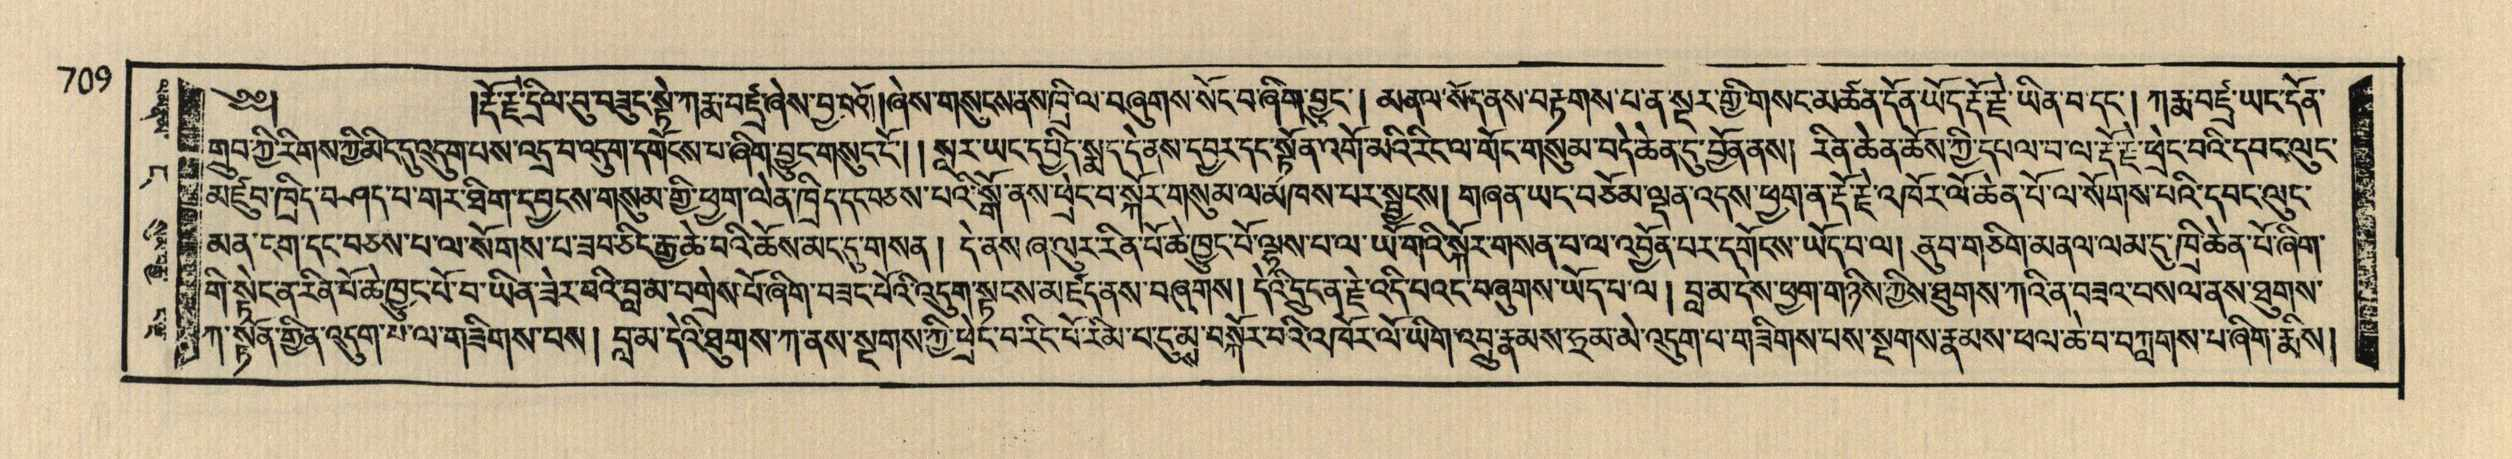༄༅། །རྡོ་རྗེ་དྲིལ་བུ་བཟུང་སྟེ་ཀརྨ་བཛྲ་ཞེས་བྱ་བའོ། །ཞེས་གསུངས་ནས་ཁྲི་ལ་བཞུགས་སོང་བ་ཞིག་བྱུང་། མནལ་སོད་ནས་བརྟགས་པ་ན་སྔར་གྱི་གསང་མཚན་དོན་ཡོད་རྡོ་རྗེ་ཡིན་བ་དང་། ཀརྨ་བཛྲ་ཡང་དོན་
གྲུབ་ཀྱི་རིགས་ཀྱི་མིང་དུ་འདུག་པས་འདྲ་བ་འདུག་དགོངས་པ་ཞིག་བྱུང་གསུང་ངོ། །སླར་ཡང་དཔྱིད་སྨད་དེ་ནས་དབྱར་དང་སྟོན་འོག་མའི་རིང་ལ་གོང་གསུམ་བདེ་ཆེན་དུ་བྱོན་ནས། རིན་ཆེན་ཆོས་ཀྱི་དཔལ་བ་ལ་རྡོ་རྗེ་ཕྲེང་བའི་དབང་ལུང་
མཛུབ་ཁྲིད་བཤད་པ་གར་ཐིག་དབྱངས་གསུམ་གྱི་ཕྱག་ལེན་ཁྲིད་དང་བཅས་པའི་སྒོ་ནས་ཕྲེང་བ་སྐོར་གསུམ་ལ་མཁས་པར་སྦྱངས། གཞན་ཡང་བཅོམ་ལྡན་འདས་ཕྱག་ན་རྡོ་རྗེ་འཁོར་ལོ་ཆེན་པོ་ལ་སོགས་པའི་དབང་ལུང་
མན་ངག་དང་བཅས་པ་ལ་སོགས་པ་ཟབ་ཅིང་རྒྱ་ཆེ་བའི་ཆོས་མང་དུ་གསན། དེ་ནས་ཞ་ལུང་རིན་པོ་ཆེ་ཁྱུང་པོ་ལྷས་པ་ལ་ཡོ་གའི་སྐོར་གསན་པ་ལ་འབྱོན་པར་དགོངས་ཡོད་པ་ལ། ནུབ་གཅིག་མནལ་ལམ་དུ་ཁྲི་ཆེན་པོ་ཞིག་
གི་སྟེང་ན་རིན་པོ་ཆེ་ཁྱུང་པོ་བ་ཡིན་ཟེར་བའི་བླ་མ་བགྲེས་པོ་ཞིག་བཟང་པོའི་འདུག་སྟངས་མཛད་ནས་བཞུགས། དེའི་དྲུང་ན་རྗེ་འདི་པའང་བཞུགས་ཡོད་པ་ལ། བླ་མ་དེས་ཕྱག་གཉིས་ཀྱིས་ཐུགས་ཀའི་ན་བཟའ་བསལ་ནས་ཐུགས་
ཀ་སྟོན་གྱིན་འདུག་པ་ལ་གཟིགས་པས། བླ་མ་དེའི་ཐུགས་ཀ་ནས་སྔགས་ཀྱི་ཕྲེང་བ་རིང་པོ་རིམ་པ་དུ་མས་བསྐོར་བའི་འཁོར་ལོ་ཡིག་འབྲུ་རྣམས་ཧྲ་མ་མེ་འདུག་པ་གཟིགས་པས་སྔགས་རྣམས་ཕལ་ཆེ་བ་བཀླགས་པ་ཞིག་རྨིས།